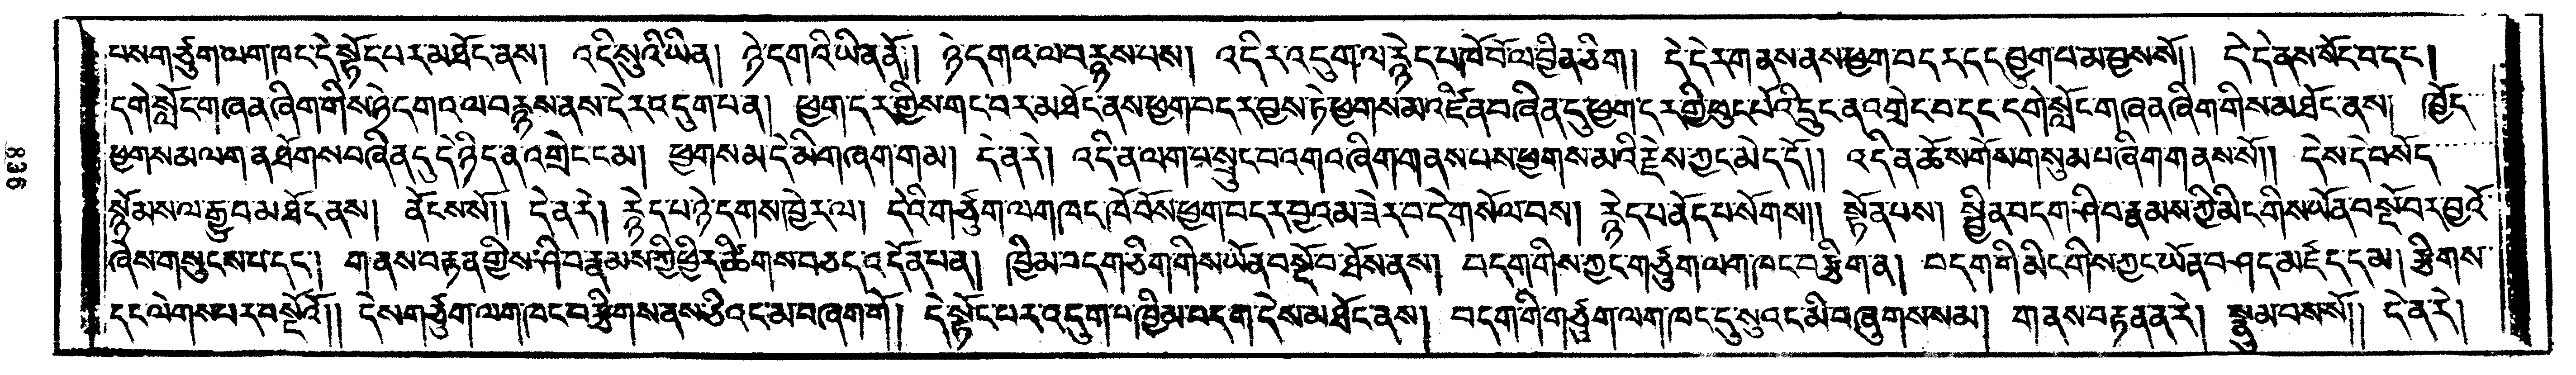པས་གཙུག་ལག་ཁང་དེ་སྟོང་པར་མཐོང་ནས། འདི་སུའི་ཡིན། ཉེ་དགའི་ཡིན་ནོ།། ཉེ་དགའ་ལ་བརྙས་པས། འདིར་འདུག་ལ་རྙེད་པ་ཁོ་བོ་ལ་བྱིན་ཅིག། དེ་དེར་གནས་ནས་ཕྱག་བདར་དང་བྱུག་པ་མ་བྱས་སོ།། དེ་དེ་ནས་སོང་བ་དང་།
དགེ་སློང་གཞན་ཞིག་གིས་ཉེ་དགའ་ལ་བརྙས་ནས་དེར་འདུག་པ་ན། ཕྱག་དར་གྱིས་གང་བར་མཐོང་ནས་ཕྱག་བདར་བྱས་ཏེ་ཕྱགས་མ་འཛིན་བཞིན་དུ་ཕྱག་དར་གྱི་ཕུང་པོའི་དྲུང་ན་འགྲེང་བ་དང་དགེ་སློང་གཞན་ཞིག་གིས་མཐོང་ནས། ཁྱོད་
ཕྱགས་མ་ལག་ན་ཐོགས་བཞིན་དུ་དེ་ཉིད་ན་འགྲེང་ངམ། ཕྱགས་མ་དེ་མི་གཞག་གམ། དེ་ན་རེ། འདི་ན་ལག་པ་སྲུང་བ་འགའ་ཞིག་གནས་པས་ཕྱགས་མའི་རྗེས་ཀྱང་མེད་དོ།། འདི་ན་ཆོས་གོས་གསུམ་པ་ཞིག་གནས་སོ།། དེས་དེ་བསོད་
སྙོམས་ལ་རྒྱུ་བ་མཐོང་ནས། ནོངས་སོ།། དེ་ན་རེ། རྙེད་པ་ཉེ་དགས་ཁྱེར་ལ། དེའི་གཙུག་ལག་ཁང་ཁོ་བོས་ཕྱག་བདར་བྱའམ་ཟེར་བ་དེ་གསོལ་བས། རྙེད་པ་ནོད་པ་སོགས།། སྟོན་པས། སྦྱིན་བདག་ཤི་བ་རྣམས་ཀྱི་མིང་གིས་ཡོན་བསྡོ་བར་བྱའོ་
ཞེས་གསུངས་པ་དང་། གནས་བརྟན་གྱིས་ཤི་བ་རྣམས་ཀྱི་ཕྱིར་ཚིགས་བཅད་འདོན་པ་ན། ཁྱིམ་བདག་ཅིག་གིས་ཡོན་བསྡོ་བ་ཐོས་ནས། བདག་གིས་ཀྱང་གཙུག་ལག་ཁང་བརྩིག་ན། བདག་གི་མིང་གིས་ཀྱང་ཡོན་བཤད་མཛད་དམ། རྩིགས་
དང་ལེགས་པར་བསྔོའོ།། དེས་གཙུག་ལག་ཁང་བརྩིགས་ནས་ཅིའང་མ་བཞག་གོ། དེ་སྟོང་པར་འདུག་པ་ཁྱིམ་བདག་དེས་མཐོང་ནས། བདག་གི་གཙུག་ལག་ཁང་དུ་སུའང་མི་བཞུགས་སམ། གནས་བརྟན་ན་རེ། སྣུམ་བས་སོ།། དེ་ན་རེ།